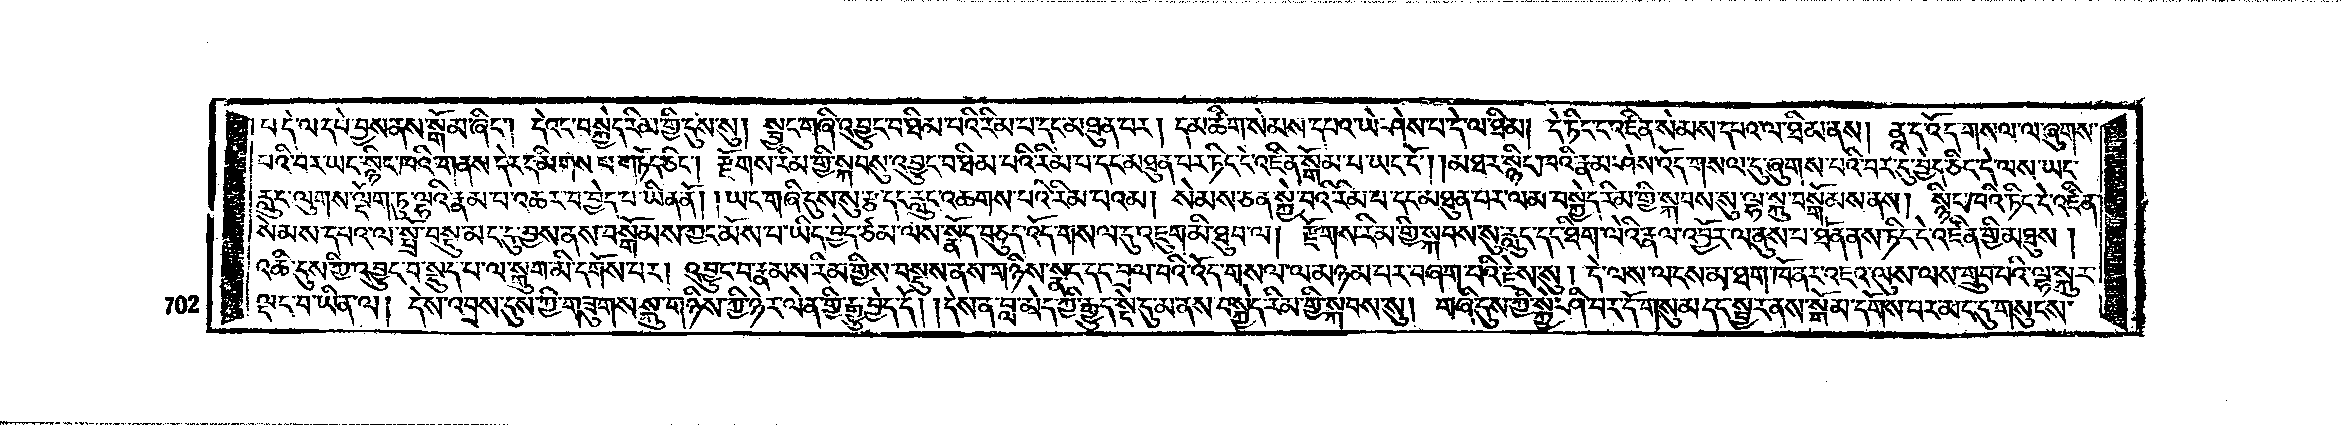པ་དེ་ལ་དཔེ་བྱས་ནས་སྒོམ་ཞིང་། དེའང་བསྐྱེད་རིམ་གྱི་དུས་སུ། སྦྱང་གཞི་འབྱུང་བ་ཐིམ་པའི་རིམ་པ་དང་མཐུན་པར། དམ་ཚིག་སེམས་དཔའ་ཡེ་ཤེས་པ་དེ་ལ་ཐིམ། དེ་ཏིང་ངེ་འཛིན་སེམས་དཔའ་ལ་ཐིམ་ནས། ནཱ་དེ་འོད་གསལ་ལ་ཞུགས་
པའི་བར་ཡང་སྙིང་ཁའི་གནས་དེར་དམིགས་པ་གཏོད་ཅིང་། རྫོགས་རིམ་གྱི་སྐབས་སུ་འབྱུང་བ་ཐིམ་པའི་རིམ་པ་དང་མཐུན་པར་ཏིང་ངེ་འཛིན་སྒོམ་པ་ཡང་ངོ། །མཐར་སྙིང་ཁའི་རྣམ་ཤེས་འོད་གསལ་དུ་ཞུགས་པའི་བར་དུ་བྱེད་ཅིང་དེ་ལས་ཡང་
རླུང་ལུགས་ལྡོག་ཏུ་ལྷའི་རྣམ་པ་འཆར་བ་བྱེད་པ་ཡིན་ནོ། །ཡང་གཞི་དུས་སུ་རྩ་དང་རླུང་འཆགས་པའི་རིམ་པའམ། སེམས་ཅན་སྐྱེ་བའི་རིམ་པ་དང་མཐུན་པར་ལམ་བསྐྱེད་རིམ་གྱི་སྐབས་སུ་ལྷ་སྐུ་བསྒོམས་ནས། སྙིང་ཁའི་ཏིང་ངེ་འཛིན་
སེམས་དཔའ་ལ་སྤྲེ་བསྡུ་མང་དུ་བྱས་ནས་བསྒོམས་ཀྱང་མོས་པ་ཡིད་བྱེད་ཙམ་ལས་སྣོད་བཅུད་འོད་གསལ་དུ་འཇུག་མི་ཐུབ་ལ། རྫོགས་རིམ་གྱི་སྐབས་སུ་རླུང་དང་ཐིག་ལེའི་རྣལ་འབྱོར་ལ་ནུས་པ་ཐོན་ནས་ཏིང་ངེ་འཛིན་གྱི་མཐུས།
འཆི་དུས་ཀྱི་འབྱུང་བ་སྡུད་པ་ལ་སྒུག་མི་དགོས་པར། འབྱུང་བ་རྣམས་རིམ་གྱིས་བསྡུས་ནས་གཉིས་སྣང་དང་བྲལ་བའི་འོད་གསལ་ལ་མཉམ་པར་བཞག་པའི་རྗེས་སུ། དེ་ལས་ལངས་མ་ཐག་ཁོ་ནར་འཇའ་ལུས་ལས་གྲུབ་པའི་ལྷ་སྐུར་
ལྡང་བ་ཡིན་ལ། དེས་འབྲས་དུས་ཀྱི་གཟུགས་སྐུ་གཉིས་ཀྱི་ཉེར་ལེན་གྱི་རྒྱུ་བྱེད་དོ། །དེས་ན་བླ་མེད་ཀྱི་རྒྱུད་སྡེ་དུ་མ་ནས་བསྐྱེད་རིམ་གྱི་སྐབས་སུ། གཞི་དུས་ཀྱི་སྐྱེ་ཤི་བར་དོ་གསུམ་དང་སྦྱར་ནས་སྒོམ་དགོས་བར་མང་དུ་གསུངས་